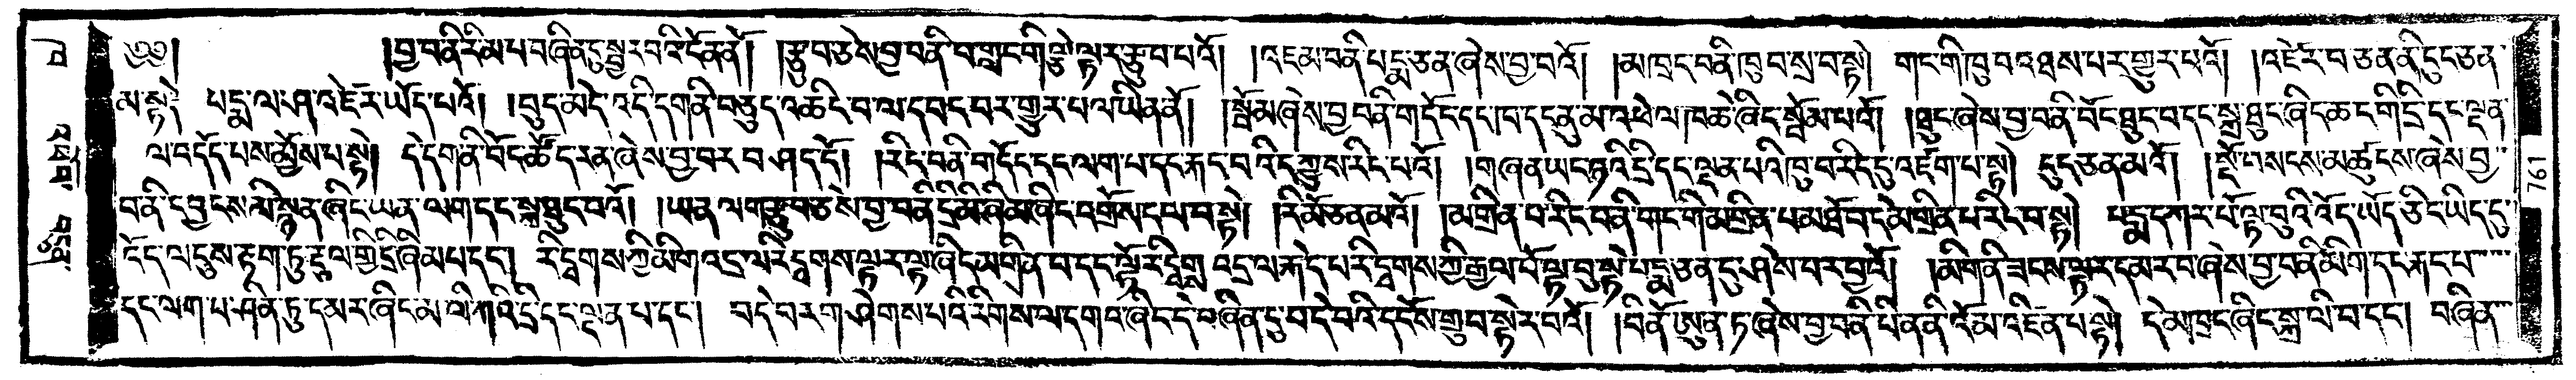༄༅། །བྱ་བ་ནི་རིམ་པ་བཞིན་དུ་སྦྱར་བའི་དོན་ནོ། །རྩུབ་ཅེས་བྱ་བ་ནི་བ་གླང་གི་ལྕེ་ལྟར་རྩུབ་པའོ། །འཇམ་པ་ནི་པདམ་ཅན་ཞེས་བྱ་བའོ། །མཁྲད་བ་ནི་ཁུབ་སྲ་བ་སྟེ། གང་གི་ཁུབ་འཐས་པར་གྱུར་པའོ། །འཛེར་བ་ཅན་ནི་དུང་ཅན་
མ་སྟེ༑ པདམ་ལ་ཤ་འཛེར་ཡོད་པའོ། །བུད་མེད་འདི་དག་ནི་བཅུད་འཆིང་བ་ལ་དབང་བར་གྱུར་པ་ལ་ཡིན་ནོ། །སྤོམ་ཞེས་བྱ་བ་ནི་གདོང་དང་ཁ་དང་ནུ་མ་འཕེལ་ཁ་ཆེ་ཞིང་སྦོམ་པའོ། །ཐུང་ཞེས་བྱ་བ་ནི་བོང་ཐུང་བ་དང་སྐྲ་ཐུང་ཞིང་ཆང་གི་དྲི་དང་ལྡན་
ལ་འདོད་པས་མྱོས་པ་སྟེ། དེ་དག་ནི་བོང་ཚོད་རན་ཞེས་བྱ་བར་བཤད་དོ། །རིང་བ་ནི་གདོང་དང་ལག་པ་དང་རྐང་བའི་དཀྱུས་རིང་པའོ། །གཞན་ཡང་ཉའི་དྲི་དང་ལྡན་པའི་ཁུ་བ་རིང་དུ་འཛག་པ་སྟེ། དུད་ཅན་མའོ། །སྔོ་བསངས་མཚུངས་ཞེས་བྱ་
བ་ནི་དབྱངས་མི་སྙན་ཞིང་ཡན་ལག་དང་སྐྲ་ཐུང་བའོ། །ཡན་ལག་རྩུབ་ཅེས་བྱ་བ་ནི་དྲི་མི་ཞིམ་ཞིང་འགྲོས་དལ་བ་སྟེ། །རི་མོ་ཅན་མའོ། །མགྲིན་པ་རིང་བ་ནི་གང་གི་མགྲིན་པ་མ་ཐོབ་དེ་མགྲིན་པ་རིང་བ་སྟེ། པདམ་དཀར་པོ་ལྟ་བུའི་འོད་ཡོད་ཅིང་ཡིད་དུ་
འོད་ལ་དུས་རྟག་ཏུ་རྡུལ་གྱི་དྲི་ཞིམ་པ་དང་། རི་དྭགས་ཀྱི་མིག་འདྲ་ལ་རི་དྭགས་ལྟར་ལྟ་ཞིང་མགྲིན་པ་དང་ལྷོ་རི་དྭགས་འདྲ་ལ་རྐེད་པ་རི་དྭགས་ཀྱི་རྒྱལ་པོ་ལྟ་བུ་སྟེ་པདམ་ཅན་དུ་ཤེས་པར་བྱའོ། །མིག་ནི་ཟངས་ལྟར་དམར་བ་ཞེས་བྱ་བ་ནི་མིག་དང་རྐང་པ་
དང་ལག་པ་ཤིན་ཏུ་དམར་ཞིང་མ་ལི་ཀའི་དྲི་དང་ལྡན་པ་དང་། བདེ་བར་གཤེགས་པའི་རིགས་ལ་དགའ་ཞིང་དེ་བཞིན་དུ་བདེ་བའི་དངོས་གྲུབ་སྟེར་བའོ། །བི་ནོ་ཨུན་ཏ་ཞེས་བྱ་བ་ནི་པིན་ནི་འོ་མ་འཛིན་པ་སྟེ། དེ་མཁྲད་ཞིང་སྐྲ་ལི་བ་དང་། བཞིན་